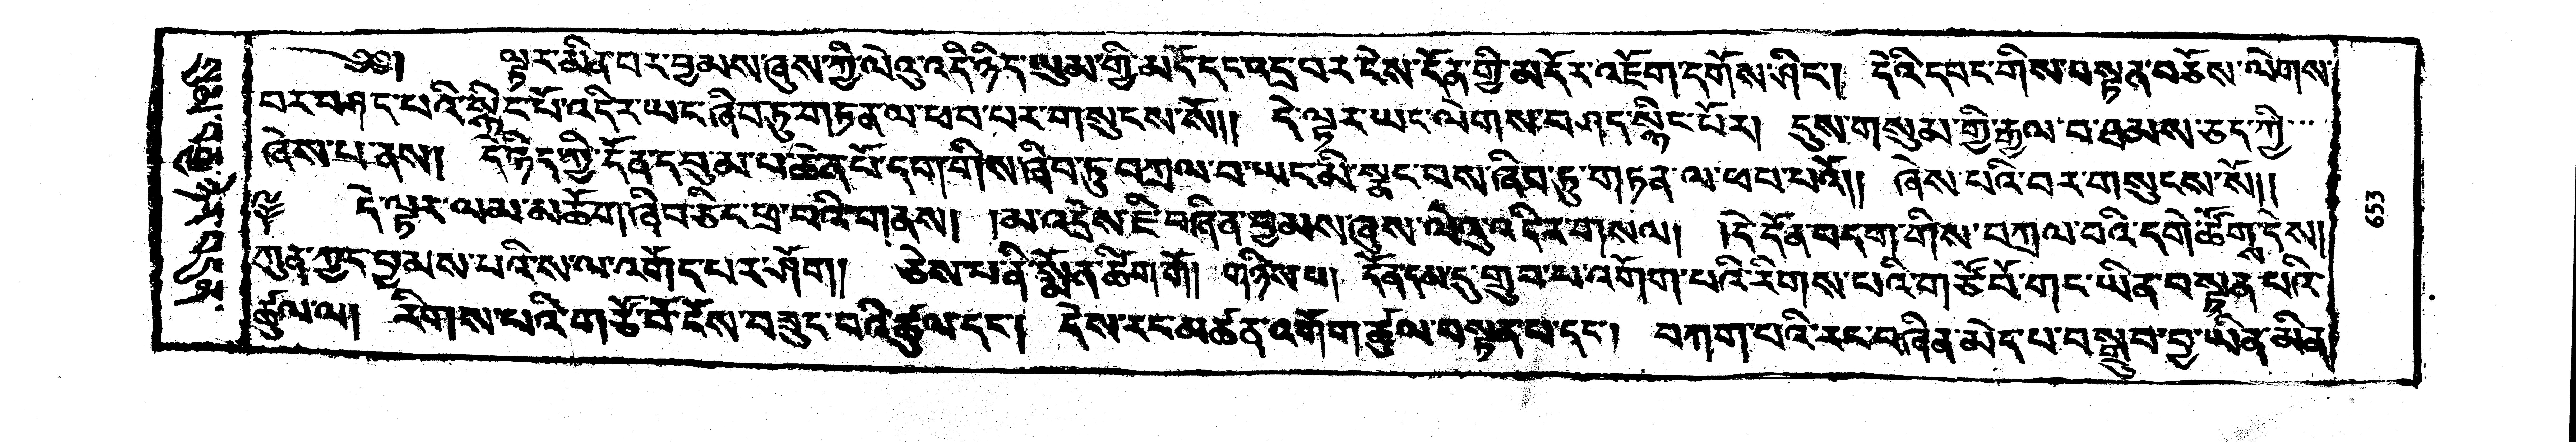༄༅། །ལྟར་མིན་པར་བྱམས་ཞུས་ཀྱི་ལེའུ་འདི་ཉིད་ཡུམ་གྱི་མདོ་དང་འདྲ་བར་ངེས་དོན་གྱི་མདོར་འཇོག་དགོས་ཤིང་། དེའི་དབང་གིས་བསྟན་བཅོས་ལེགས་
པར་བཤད་པའི་སྙིང་པོ་འདིར་ཡང་ཞིབ་ཏུ་གཏན་ལ་ཕབ་པར་གསུངས་སོ། །དེ་ལྟར་ཡང་ལེགས་བཤད་སྙིང་པོར། དུས་གསུམ་གྱི་རྒྱལ་བ་ཐམས་ཅད་ཀྱི་
ཞེས་པ་ནས། དེ་ཉིད་ཀྱི་དོན་དབུ་མ་པ་ཆེན་པོ་དག་གིས་ཞིབ་ཏུ་བཀྲལ་བ་ཡང་མི་སྣང་བས་ཞིབ་ཏུ་གཏན་ལ་ཕབ་པའོ། །ཞེས་པའི་བར་གསུངས་སོ། །
༈ དེ་ལྟར་ལམ་མཆོག་ཞིབ་ཅིང་ཕྲ་བའི་གནས། །མ་འདྲེས་ཇི་བཞིན་བྱམས་ཞུས་ལེའུ་འདིར་གསལ། །དེ་དོན་བདག་གིས་བཀྲལ་བའི་དགེ་ཚོགས་དེས་
ཀུན་ཀྱང་བྱམས་པའི་ས་ལ་འགོད་པར་ཤོག །ཅེས་པ་ནི་སྨོན་ཚིག་གོ། གཉིས་པ། དོན་དམ་དུ་གྲུབ་པ་འགོག་པའི་རིགས་པའི་གཙོ་བོ་གང་ཡིན་བསྟན་པའི་
ཚུལ་ལ། རིགས་པའི་གཙོ་བོ་ངོས་བཟུང་བའི་ཚུལ་དང་། དེས་རང་མཚན་འགོག་ཚུལ་བསྟན་པ་དང་། བཀག་པའི་རང་བཞིན་མེད་པ་བསྒྲུབ་བྱ་ཡིན་མིན་